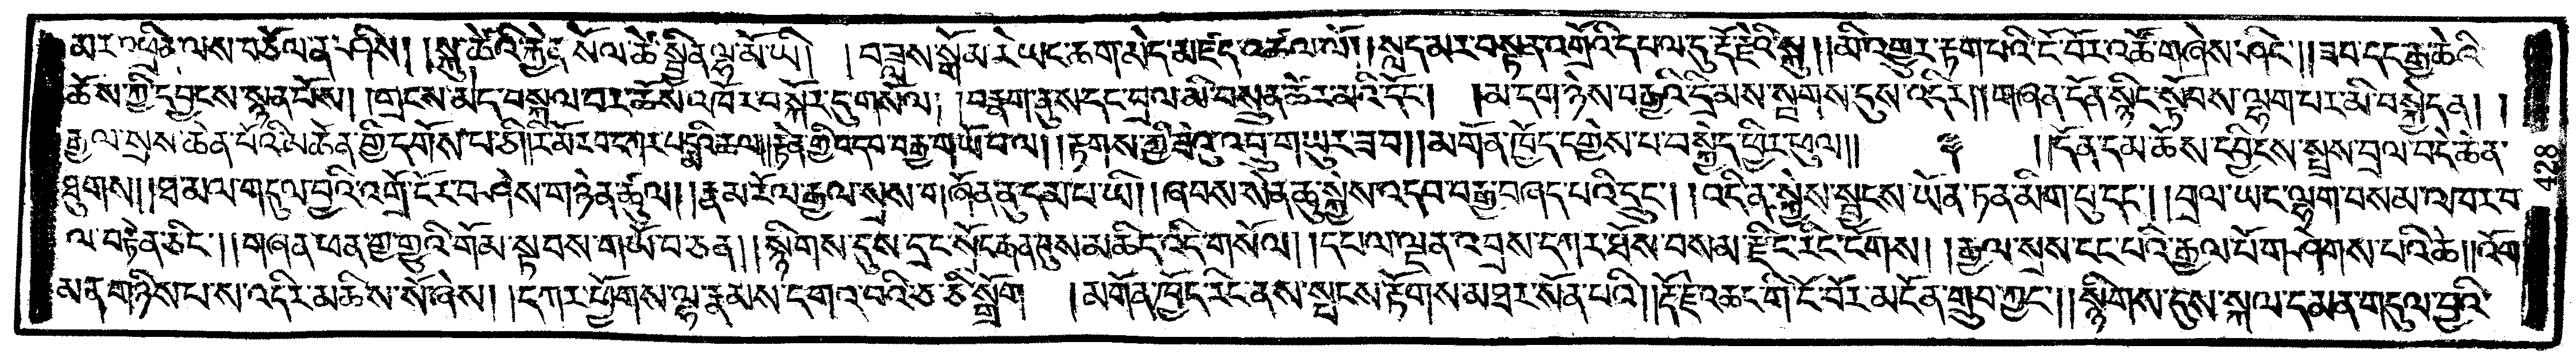མར་འཕྲིན་ལས་བཅོལ་ན་ཤིས། །སྐུ་ཚེའི་རྐྱེན་སོལ་ཚེ་སྦྱིན་ལྷ་མོ་ཡི། །བཟླས་སྒོམ་རེ་ཡང་ཆག་མེད་མཛད་འཚལ་ལོ། །སླད་མར་བསྟན་འགྲོའི་དཔལ་དུ་རྡོ་རྗེའི་སྐུ། །མི་འགྱུར་རྟག་པའི་ངོ་བོར་འཚོ་གཞེས་ཤིང་། །ཟབ་དང་རྒྱ་ཆེའི་
ཆོས་ཀྱི་དབྱངས་སྙན་པོས། །གྲངས་མེད་བསྐལ་བར་ཆོས་འཁོར་བསྐོར་དུ་གསོལ། །བརྣག་ནུས་དང་བྲལ་མི་བསྲུན་ཚེར་མའི་དོང་། །མ་དག་ཉེས་བརྒྱའི་དྲི་མས་སྦགས་དུས་འདིར། །གཞན་དོན་སྙིང་སྟོབས་ལྷག་པར་མི་བསྐྱེད་ན། །
རྒྱལ་སྲས་ཆེན་པོའི་མཚོན་གྱི་དགོས་པ་ཅི། །རི་མོར་བ་དཀར་པདམའི་ཚལ། །རྟེན་གྱི་འདབ་བརྒྱ་གཡོ་བ་ལ། །རྟགས་ཀྱི་ཟེའུ་འབྲུ་གཡུར་ཟ་བ། །མགོན་ཁྱོད་དགྱེས་པ་བསྐྱེད་ཕྱིར་ཕུལ།། ༈ །།དོན་དམ་ཆོས་དབྱིངས་སྤྲས་བྲལ་བདེ་ཆེན་
ཐུགས། །ཐ་མལ་གདུལ་བྱའི་འགྲོ་ངོར་བཤེས་གཉེན་ཚུལ། །རྣམ་རོལ་རྒྱལ་སྲས་གཞོན་ནུ་དམ་པ་ཡི། །ཞབས་སེན་ཆུ་སྐྱེས་འདབ་བརྒྱ་བཞད་པའི་དྲུང་། །འདི་ན་སྐྱེས་སྦྱངས་ཡོན་ཏན་མིག་བུ་དང་། །བྲལ་ཡང་ལྷག་བསམ་འཁར་བ་
ལ་བརྟེན་ཅིང་། །གཞན་ཕན་གྱ་གྱུའི་གོམ་སྟབས་གཡོ་བ་ཅན། །སྙིགས་དུས་དྲང་སྲོང་རྒན་བུས་མཆིད་འདི་གསོལ། །དཔལ་ལྡན་འབྲས་དཀར་ཐོས་བསམ་རྫིང་རིང་ངོགས། །རྒྱལ་སྲས་ངང་པའི་རྒྱལ་པོ་གཤེགས་པའི་ཆེ། །འོག་
མན་གཉིས་པ་ས་འདིར་མཆིས་སོ་ཞེས། །དཀར་ཕྱོགས་ལྷ་རྣམས་དགའ་བའི་ཅ་ཅི་སྒྲོག །མགོན་ཁྱོད་རིང་ནས་སྤངས་རྟོགས་མཐར་སོན་པའི། །རྡོ་རྗེ་འཆང་གི་ངོ་བོར་མངོན་གྲུབ་ཀྱང་། །སྙིགས་དུས་སྐལ་དམན་གདུལ་བྱའི་